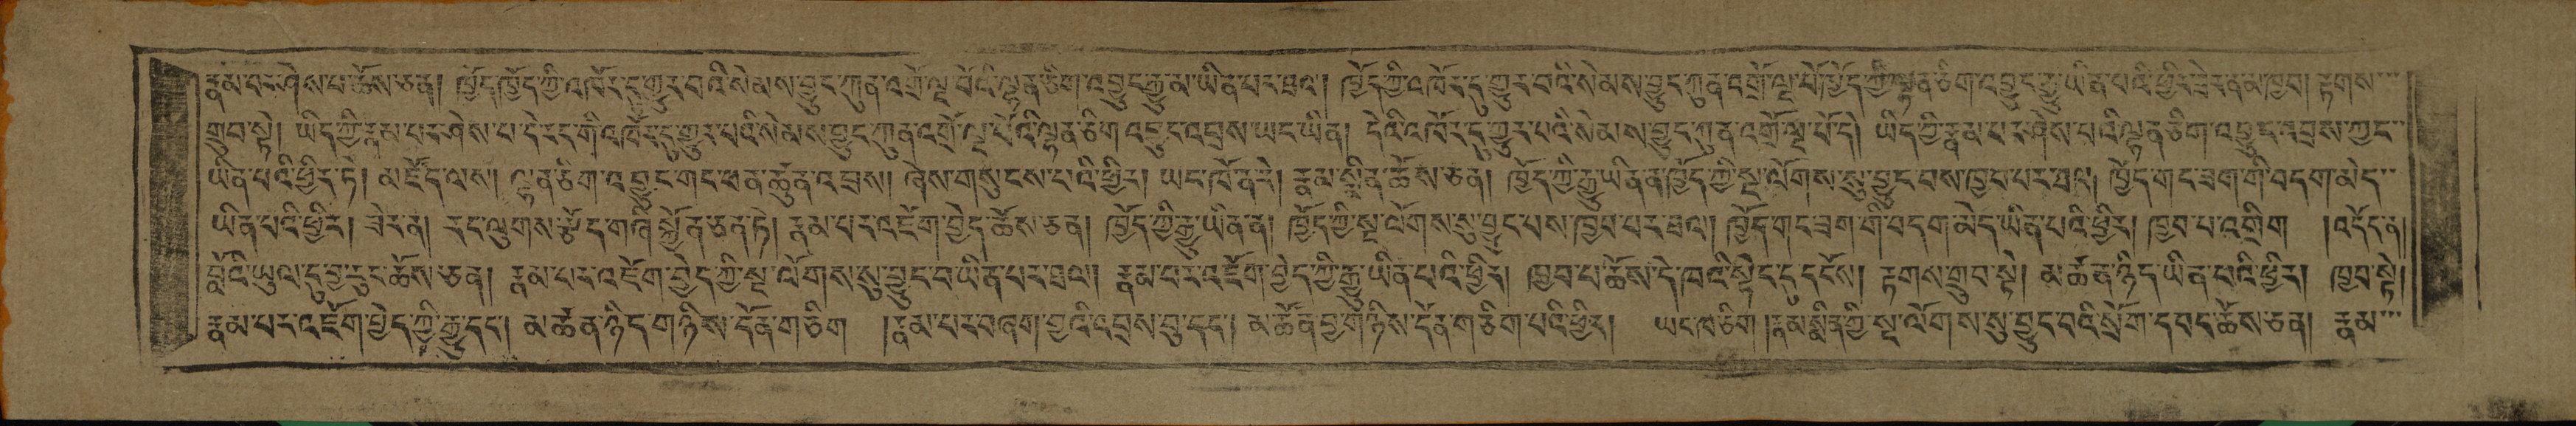རྣམ་པར་ཤེས་པ་ཆོས་ཅན། ཁྱོད་ཁྱོད་ཀྱི་འཁོར་དུ་གྱུར་བའི་སེམས་བྱུང་ཀུན་འགྲོ་ལྔ་བོའི་ལྷན་ཅིག་འབྱུང་རྒྱུ་མ་ཡིན་པར་ཐལ། ཁྱོད་ཀྱི་འཁོར་དུ་གྱུར་བའི་སེམས་བྱུང་ཀུན་འགྲོ་ལྔ་པོ་ཁྱོད་ཀྱི་ལྷན་ཅིག་འབྱུང་རྒྱུ་ཡིན་པའི་ཕྱིར་ཟེར་ན་མ་ཁྱབ། རྟགས་
གྲུབ་སྟེ། ཡིད་ཀྱི་རྣམ་པར་ཤེས་པ་དེ་རང་གི་འཁོར་དུ་གྱུར་པའི་སེམས་བྱུང་ཀུན་འགྲོ་ལྔ་པོའི་ལྷན་ཅིག་འབྱུང་འབྲས་ཡང་ཡིན། དེའི་འཁོར་དུ་གྱུར་པའི་སེམས་བྱུང་ཀུན་འགྲོ་ལྔ་པོ་དེ། ཡིད་ཀྱི་རྣམ་པར་ཤེས་པའི་ལྷན་ཅིག་འབྱུང་འབྲས་ཀྱང་
ཡིན་པའི་ཕྱིར་ཏེ། མཛོད་ལས། ལྷན་ཅིག་འབྱུང་གང་ཕན་ཚུན་འབྲས། ཞེས་གསུངས་པའི་ཕྱིར། ཡང་ཁོ་ན་རེ། རྣམ་སྨིན་ཆོས་ཅན། ཁྱོད་ཀྱི་རྒྱུ་ཡིན་ན་ཁྱོད་ཀྱི་སྔ་ལོགས་སུ་བྱུང་བས་ཁྱབ་པར་ཐལ། ཁྱོད་གང་ཟག་གི་བདག་མེད་
ཡིན་པའི་ཕྱིར། ཟེར་ན། རང་ལུགས་རྩོད་གཞི་སྐྱོན་ཅན་ཏེ། རྣམ་པར་འཇོག་བྱེད་ཆོས་ཅན། ཁྱོད་ཀྱི་རྒྱུ་ཡིན་ན། ཁྱོད་ཀྱི་སྔ་ལོགས་བསུ་བྱུང་པས་ཁྱབ་པར་ཐལ། ཁྱོད་གང་ཟག་གི་བདག་མེད་ཡིན་པའི་ཕྱིར། ཁྱབ་པ་འགྲིག །འདོད་ན།
བློའི་ཡུལ་དུ་བྱ་རུང་ཆོས་ཅན། རྣམ་པར་འཇོག་བྱེད་ཀྱི་སྔ་ལོགས་སུ་བྱུང་བ་ཡིན་པར་ཐལ། རྣམ་པར་འཇོག་བྱེད་ཀྱི་རྒྱུ་ཡིན་པའི་ཕྱིར། ཁྱབ་པ་ཆོས་དེ་ཁའི་སྟེང་དུ་དངོས། རྟགས་གྲུབ་སྟེ། མཚན་ཉིད་ཡིན་པའི་ཕྱིར། ཁྱབ་སྟེ།
རྣམ་པར་འཇོག་བྱེད་ཀྱི་རྒྱུ་དང་། མཚན་ཉིད་གཉིས་དོན་གཅིག །རྣམ་པར་བཞག་བྱའི་འབྲས་བུ་དང་། མཚོན་བྱ་གཉིས་དོན་གཅིག་པའི་ཕྱིར། ཡང་ཁ་ཅིག །རྣམ་སྨིན་གྱི་སྔ་ལོགས་སུ་བྱུང་བའི་སྲོག་དབང་ཆོས་ཅན། རྣམ་